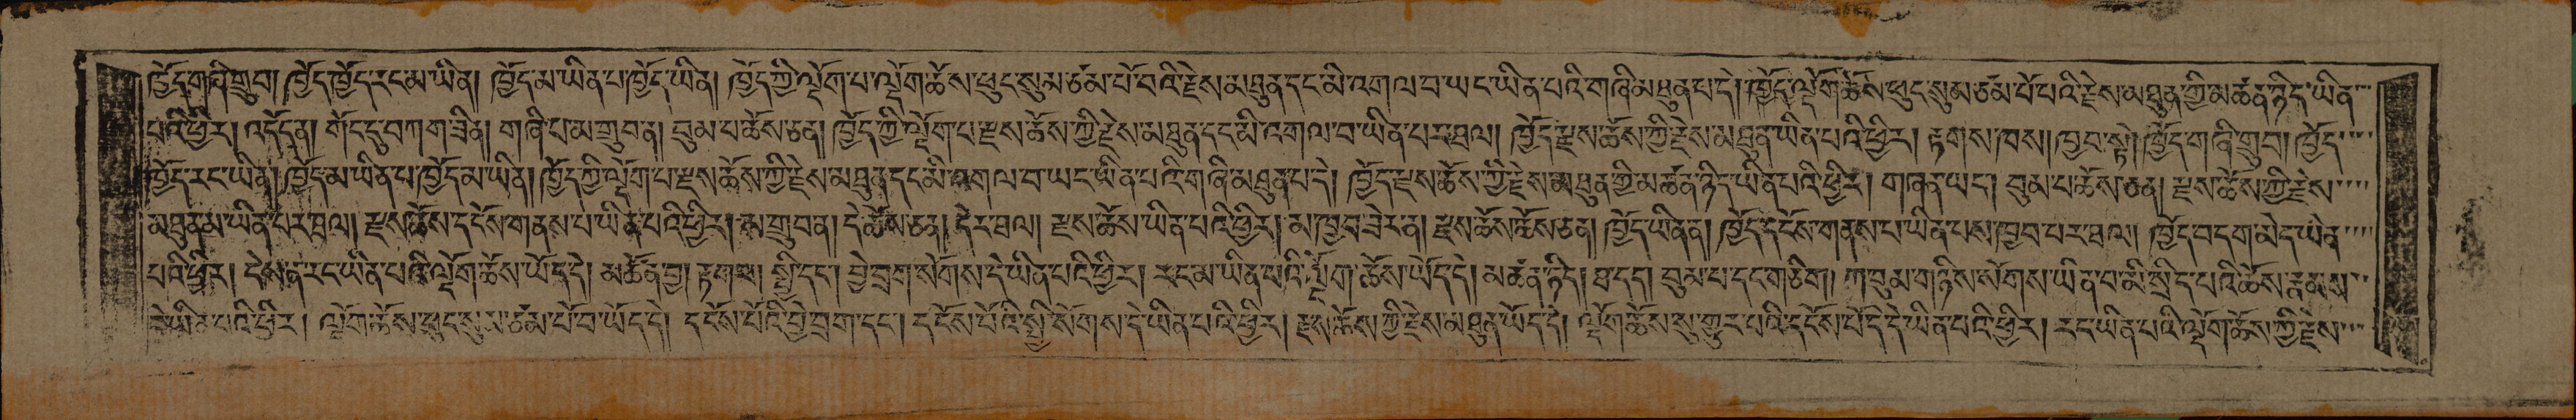ཁྱོད་གཞི་གྲུབ། ཁྱོད་ཁྱོད་རང་མ་ཡིན། ཁྱོད་མ་ཡིན་པ་ཁྱོད་ཡིན། ཁྱོད་ཀྱི་ལྡོག་པ་ལྡོག་ཆོས་ཕུང་སུམ་ཙམ་པོ་བའི་རྗེས་མཐུན་དང་མི་འགལ་བ་ཡང་ཡིན་པའི་གཞི་མཐུན་པ་དེ། ཁྱོད་ལྡོག་ཆོས་ཕུང་སུམ་ཙམ་པོ་བའི་རྗེས་མཐུན་གྱི་མཚན་ཉིད་ཡིན་
པའི་ཕྱིར། འདོད་ན། གོང་དུ་བཀག་ཟིན། གཞི་པ་མ་གྲུབ་ན། བུམ་པ་ཆོས་ཅན། ཁྱོད་ཀྱི་ལྡོག་པ་རྫས་ཆོས་ཀྱི་རྗེས་མཐུན་དང་མི་འགལ་བ་ཡིན་པར་ཐལ། ཁྱོད་རྫས་ཆོས་ཀྱི་རྗེས་མཐུན་ཡིན་པའི་ཕྱིར། རྟགས་ཁས། ཁྱབ་སྟེ། ཁྱོད་གཞི་གྲུབ། ཁྱོད་
ཁྱོད་རང་ཡིན། ཁྱོད་མ་ཡིན་པ་ཁྱོད་མ་ཡིན། ཁྱོད་ཀྱི་ལྡོག་པ་རྫས་ཆོས་ཀྱི་རྗེས་མཐུན་དང་མི་འགལ་བ་ཡང་ཡིན་པའི་གཞི་མཐུན་པ་དེ། ཁྱོད་རྫས་ཆོས་ཀྱི་རྗེས་མཐུན་གྱི་མཚན་ཉིད་ཡིན་པའི་ཕྱིར། གཞན་ཡང་། བུམ་པ་ཆོས་ཅན། རྫས་ཆོས་ཀྱི་རྗེས་
མཐུན་མ་ཡིན་པར་ཐལ། རྫས་ཆོས་དངོས་གནས་པ་ཡིན་པའི་ཕྱིར། མ་གྲུབ་ན། དེ་ཆོས་ཅན། དེར་ཐལ། རྫས་ཆོས་ཡིན་པའི་ཕྱིར། མ་ཁྱབ་ཟེར་ན། རྫས་ཆོས་ཆོས་ཅན། ཁྱོད་ཡིན་ན། ཁྱོད་དངོས་གནས་པ་ཡིན་པས་ཁྱབ་པར་ཐལ། ཁྱོད་བདག་མེད་ཡིན་
པའི་ཕྱིར། དེས་ན་རང་ཡིན་པའི་ལྡོག་ཆོས་ཡོད་དེ། མཚོན་བྱ། རྟག་པ། སྤྱི་དང་། བྱེ་བྲག་སོགས་དེ་ཡིན་པའི་ཕྱིར། རང་མ་ཡིན་པའི་ལྡོག་ཆོས་ཡོད་དེ། མཚན་ཉིད། ཐ་དད། བུམ་པ་དང་གཅིག །ཀ་བུམ་གཉིས་སོགས་ཡིན་པ་མི་སྲིད་པའིཅ་ཧོས་རྣམས་
དེ་ཡིན་པའི་ཕྱིར། ལྡོག་ཆོས་ཕུང་སུམ་ཙམ་པོ་བ་ཡོད་དེ། དངོས་པོའི་བྱེ་བྲག་དང་། དངོས་པོའིས་པྱི་སོགས་དེ་ཡིན་པའི་ཕྱིར། རྫས་ཆོས་ཀྱི་རྗེས་མཐུན་ཡོད་དེ། ལྡོག་ཆོས་སུ་གྱུར་པའི་དངོས་པོ་དེ་དེ་ཡིན་པའི་ཕྱིར། རང་ཡིན་པའི་ལྡོག་ཆོས་ཀྱི་རྗེས་